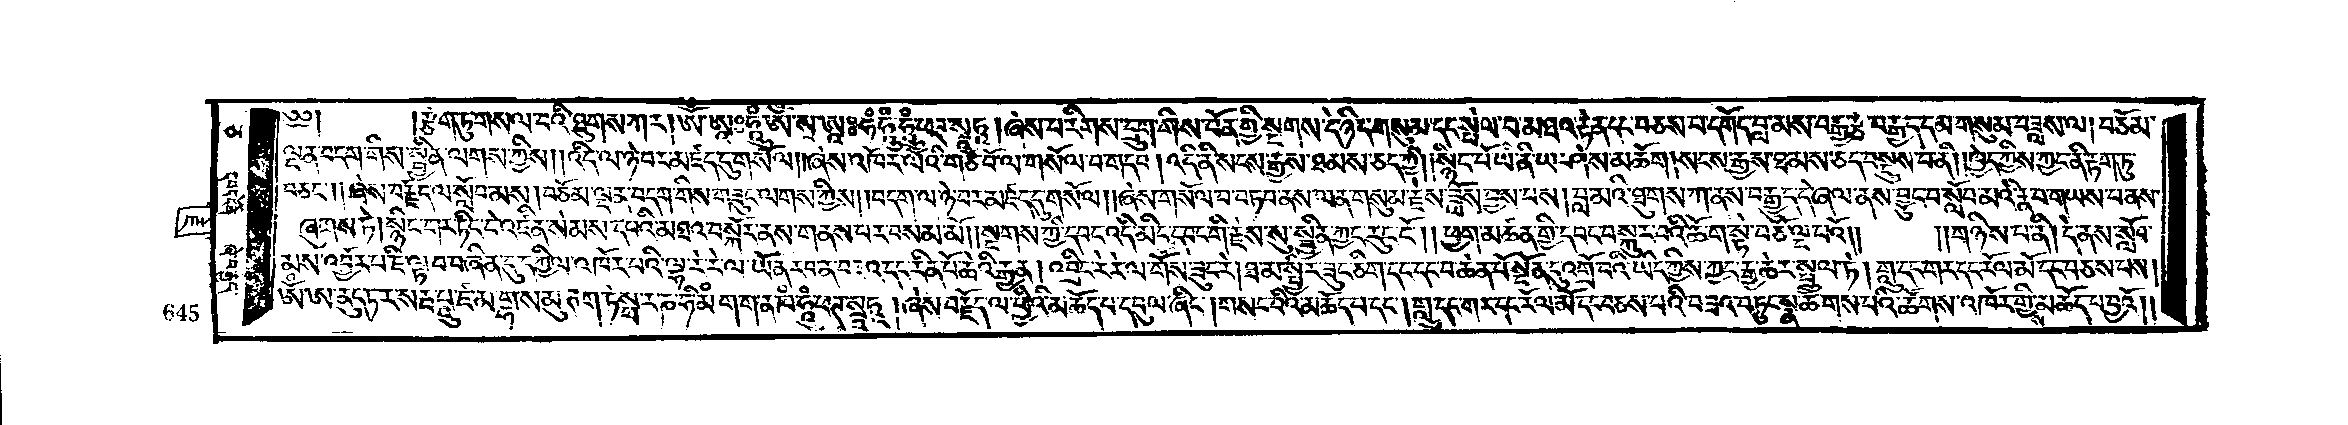༄༅། །རྩེག་ཏུ་གསལ་བའི་ཐུགས་ཀར། ཨོཾ་ཨཱཿ ཧཱུཾ་ཨོཾ་སྭ་ཨཱཿ ཧ་ཧཱུཾ་ཧཱུཾ་ཕཊ་སྭཱ་ཧཱ། ཞེས་པ་རིགས་དྲུག་གི་ས་བོན་གྱི་སྔགས་དེ་ཉིད་གསུམ་དང་སྤེལ་བ་མཐའ་རྟེན་དང་བཅས་པ་དགོད་བླ་མས་བརྒྱ་རྩ་བརྒྱད་དམ་གསུམ་བཟླས་ལ། བཅོམ་
ལྡན་བདག་གིས་སྦྱིན་ལགས་ཀྱིས། །འདི་ལ་ཉེ་བར་མཛད་དུ་གསོལ། །ཞེས་འཁོར་ལོའི་གཙོ་བོ་ལ་གསོལ་བ་གདབ། འདི་ནི་སངས་རྒྱས་ཐམས་ཅད་ཀྱི། །སྙིང་པོ་ཡི་ནི་ཡེ་ཤེས་མཆོག །སངས་རྒྱས་ཐམས་ཅད་བསྡུས་པ་ནི། །ཁྱེད་ཀྱིས་ཀྱང་ནི་རྟག་ཏུ་
བཅང་། །ཞེས་བརྗོད་ལ་སློབ་མས། བཅོམ་ལྡན་བདག་གིས་གཟུང་ལགས་ཀྱིས། །བདག་ལ་ཉེ་བར་མཛད་དུ་གསོལ། །ཞེས་གསོལ་བ་བཏབ་ནས་ལན་གསུམ་རྗེས་ཟློས་བྱས་པས། བླ་མའི་ཐུགས་ཀ་ནས་བརྒྱུད་དེ་ཞལ་ནས་བྱུང་བ་སློབ་མའི་རྣ་བ་གཡས་པ་ནས་
བཞུགས་ཏེ། སྙིང་གར་ཏིང་ངེ་འཛིན་སེམས་དཔའི་མཐའ་བསྐོར་ནས་གནས་པར་བསམ་མོ། །སྔགས་ཀྱི་དབང་འདི་མིང་དབང་གི་རྗེས་སུ་སྦྱིན་ཀྱང་རུང་ངོ། །ཕྱག་མཚན་གྱི་དབང་བསྐུར་བའི་ཆོ་ག་སྟེ་བཅོ་ལྔ་པའོ།། །།གཉིས་པ་ནི། དེ་ནས་སློབ་
མས་འབྱོར་པ་ཇི་ལྟ་བ་བཞིན་དུ་དཀྱིལ་འཁོར་བའི་ལྷ་རེ་རེ་ལ་ཡོན་རབ་ན་བཟའ་དང་རིན་པོ་ཆེའི་རྒྱན། འབྲིང་རེ་རེ་ལ་གོས་ཟུང་རེ། ཐ་མ་སྤྱིར་ཟུང་ཅིག་དང་དད་བ་ཆེན་པོ་སྔོན་དུ་འགྲོ་བའི་ཡིད་ཀྱིས་ཀྱང་རྒྱ་ཆེར་སྤྲུལ་ཏེ། གླུ་དང་གར་དང་རོལ་མོ་དང་བཅས་པས།
ཨོཾ་ཨ་ནུད་ཏ་ར་སརྦ་པཱུ་ཛ་མེ་གྷ་ས་མུཊྒ་ཏེ་སྥ་ར་ཎ་ཧི་མིག་ག་ན་ཁཾ་ཧཱུཾ་ཕཊ་སྭཱ་ཧཱ། ཞེས་བརྗོད་ལ་ཕྱིའི་མཆོད་པ་དབུལ་ཞིང་། གསང་བའི་མཆོད་པ་དང་། གླུ་དང་གར་དང་རོལ་མོ་དང་བཅས་པའི་བཟའ་བཏུང་སྣ་ཚོགས་པའི་ཚོགས་འཁོར་གྱིས་མཆོད་པ་བྱའོ། །